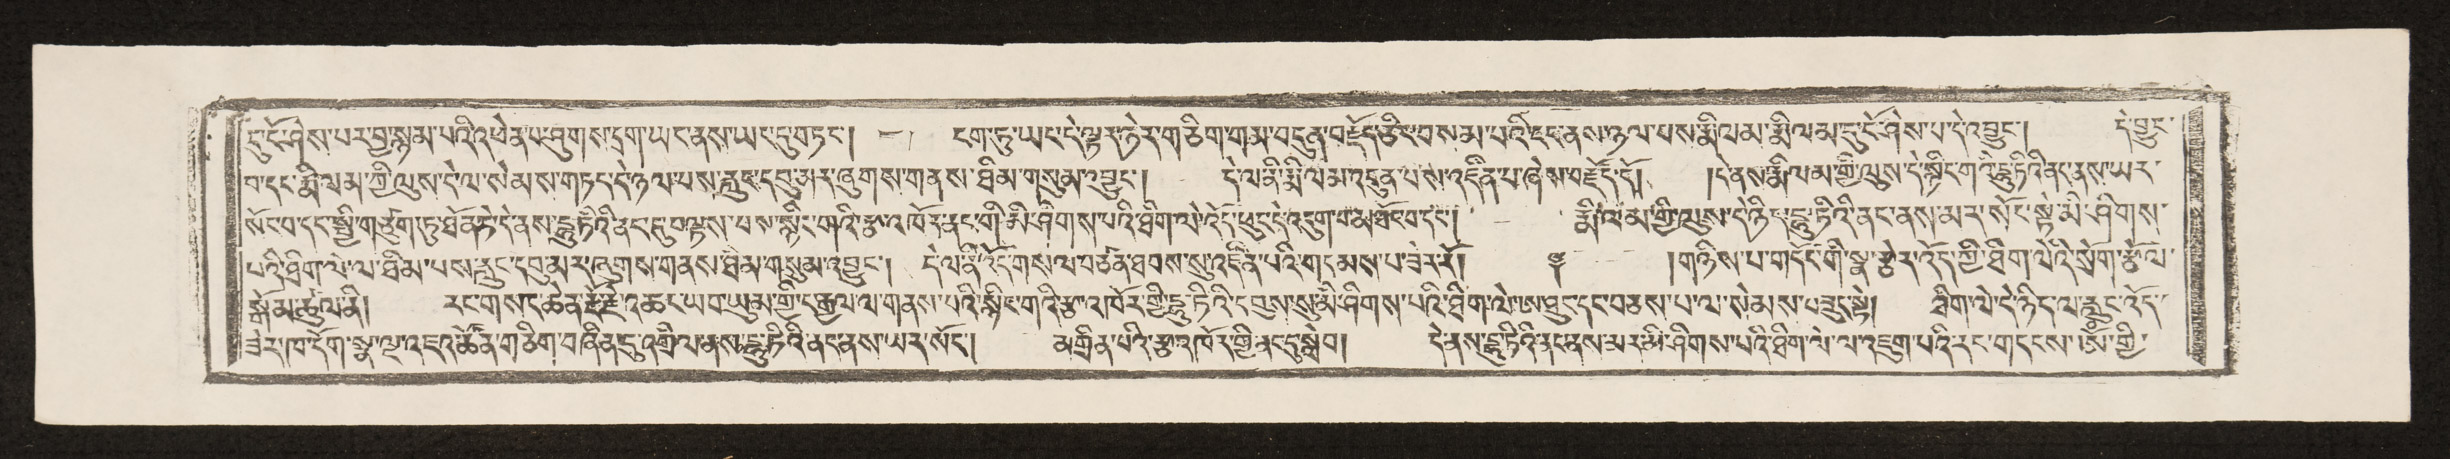དུ་ངོ་ཤེས་པར་བྱ་སྙམ་པའི་འཕེན་པ་ཤུགས་དྲག་ཡང་ནས་ཡང་དུ་བཏང་། ངག་ཏུ་ཡང་དེ་ལྟར་ཉེར་གཅིག་གམ་བདུན་བརྗོད་ཅིང་བསམ་པའི་ངང་ནས་ཉལ་བས་རྨི་ལམ་རྨི་ལམ་དུ་ངོ་ཤེས་པ་དེ་འབྱུང་། དེ་བྱུང་
བ་དང་རྨི་ལམ་གྱི་ལུས་དེ་ལ་སེམས་གཏད་དེ་ཉལ་བས་རླུང་དབུ་མར་ཞུགས་གནས་ཐིམ་གསུམ་འབྱུང་། དེ་ལ་ནི་རྨི་ལམ་འདུན་པས་འཛིན་པ་ཞེས་བརྗོད་དོ། །དེ་ནས་རྨི་ལམ་གྱི་ལུས་དེ་སྙིང་གའི་དྷུ་ཏིའི་ནང་ནས་ཡར་
སོང་བ་དང་སྤྱི་གཙུག་ཏུ་ཐོན་ཏེ་དེ་ནས་དྷུ་ཏིའི་ནང་དུ་བལྟས་པས་སྙིང་གའི་རྩ་འཁོར་ནང་གི་མི་ཤིགས་པའི་ཐིག་ལེ་འོད་ཕུང་དེ་འདུག་པ་མཐོང་བ་དང་། རྨི་ལམ་གྱི་ལུས་དེ་ཉིད་དྷུ་ཏིའི་ནང་ནས་མར་སོང་སྟེ་མི་ཤིགས་
པའི་ཐིག་ལེ་ལ་ཐིམ་པས་རླུང་དབུ་མར་ཞུགས་གནས་ཐིམ་གསུམ་འབྱུང་། དེ་ལ་ནི་འོད་གསལ་བཙན་ཐབས་སུ་འཛིན་པའི་གདམས་པ་ཟེར་རོ། ༈ །གཉིས་པ་གདོང་གི་སྣ་རྩེར་འོད་གྱི་ཐིག་ལེའི་སྲོག་རྩོལ་
སྒོམ་ཚུལ་ནི། རང་གསང་ཚེན་རྡོ་རྗེ་འཆང་ཡབ་ཡུམ་གྱི་ང་རྒྱལ་ལ་གནས་པའི་སྙིང་གའི་རྩ་འཁོར་གྱི་དྷུ་ཏིའི་དབུས་སུ་མི་ཤིགས་པའི་ཐིག་ལེ་ཨ་ཐུང་དང་བཅས་པ་ལ་སེམས་པ་ཟུང་སྟེ། ཐིག་ལེ་དེ་ཉིད་ལ་རླུང་འོད་
ཟེར་ཁ་དོག་སྣ་ལྔ་འཇའ་ཚོན་གཅིག་བཞིན་དུ་འགྲིལ་ནས་དྷུ་ཏིའི་ནང་ནས་ཡར་སོང་། མགྲིན་པའི་རྩ་འཁོར་གྱི་ནང་དུ་སླེབ། དེ་ནས་དྷུ་ཏིའི་ནང་ནས་མར་མི་ཤིགས་པའི་ཐིག་ལེ་ལ་འཇུག་པའི་རང་གདངས་ཨོཾ་གྱི་